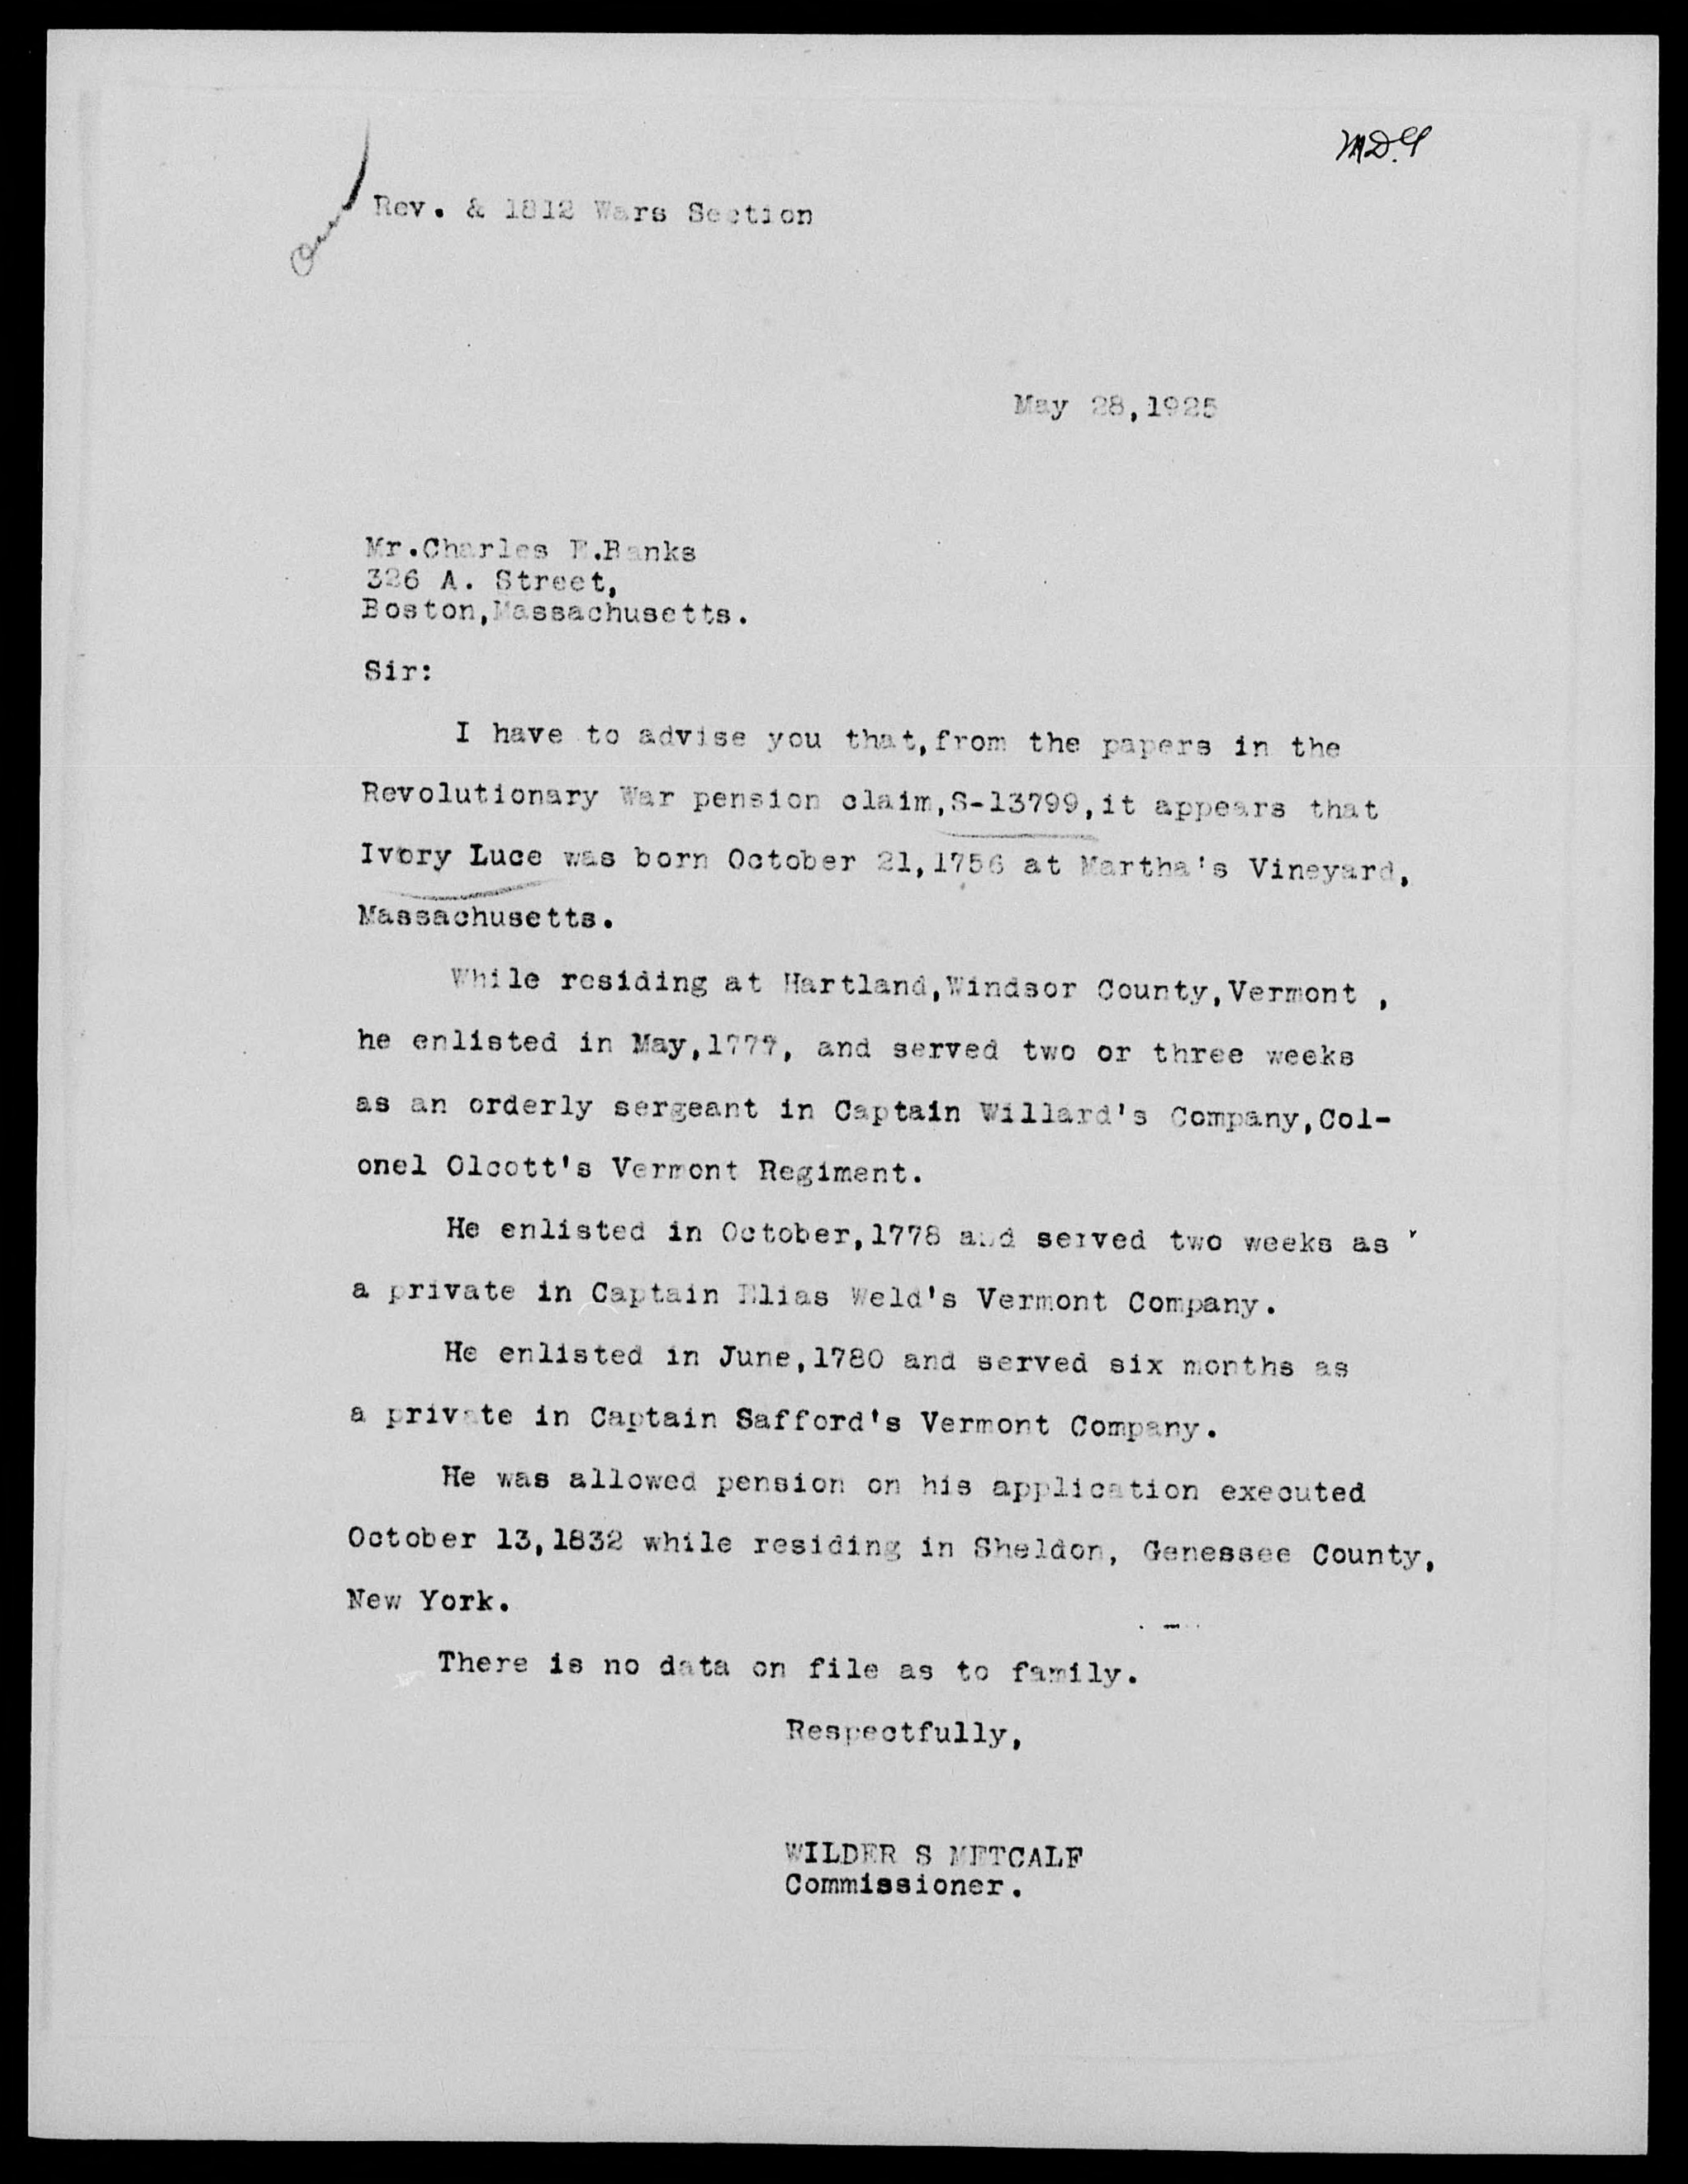Rev. & 1812 Wars Section

May 28, 1925

Mr. Charles E. Banks
326 A. Street,
Boston, Massachusetts.

Sir:

I have to advise you that, from the papers in the Revolutionary War pension claim, S-13799, it appears that Ivory Luce was born October 21, 1756 at Martha's Vineyard, Massachusetts.

While residing at Hartland, Windsor County, Vermont, he enlisted in May 1777, and served two or three weeks as an orderly sergeant in Captain Willard's Company, Colonel Olcott's Vermont Regiment.

He enlisted in October, 1778 and served two weeks as a private in Captain Elias Weld's Vermont Company.

He enlisted in June, 1780 and served six months as a private in Captain Safford's Vermont Company.

He was allowed pension on his application executed October 13, 1832 while residing in Sheldon, Genesee County, New York.

There is no data on file as to family.

Respectfully,

WILDER S METCALF
Commissioner.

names: Wilder S Metcalf; Ivory Luce; Charles E Banks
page: 56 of 70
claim: rejected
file: R. 6510, for Israel Luce, New York